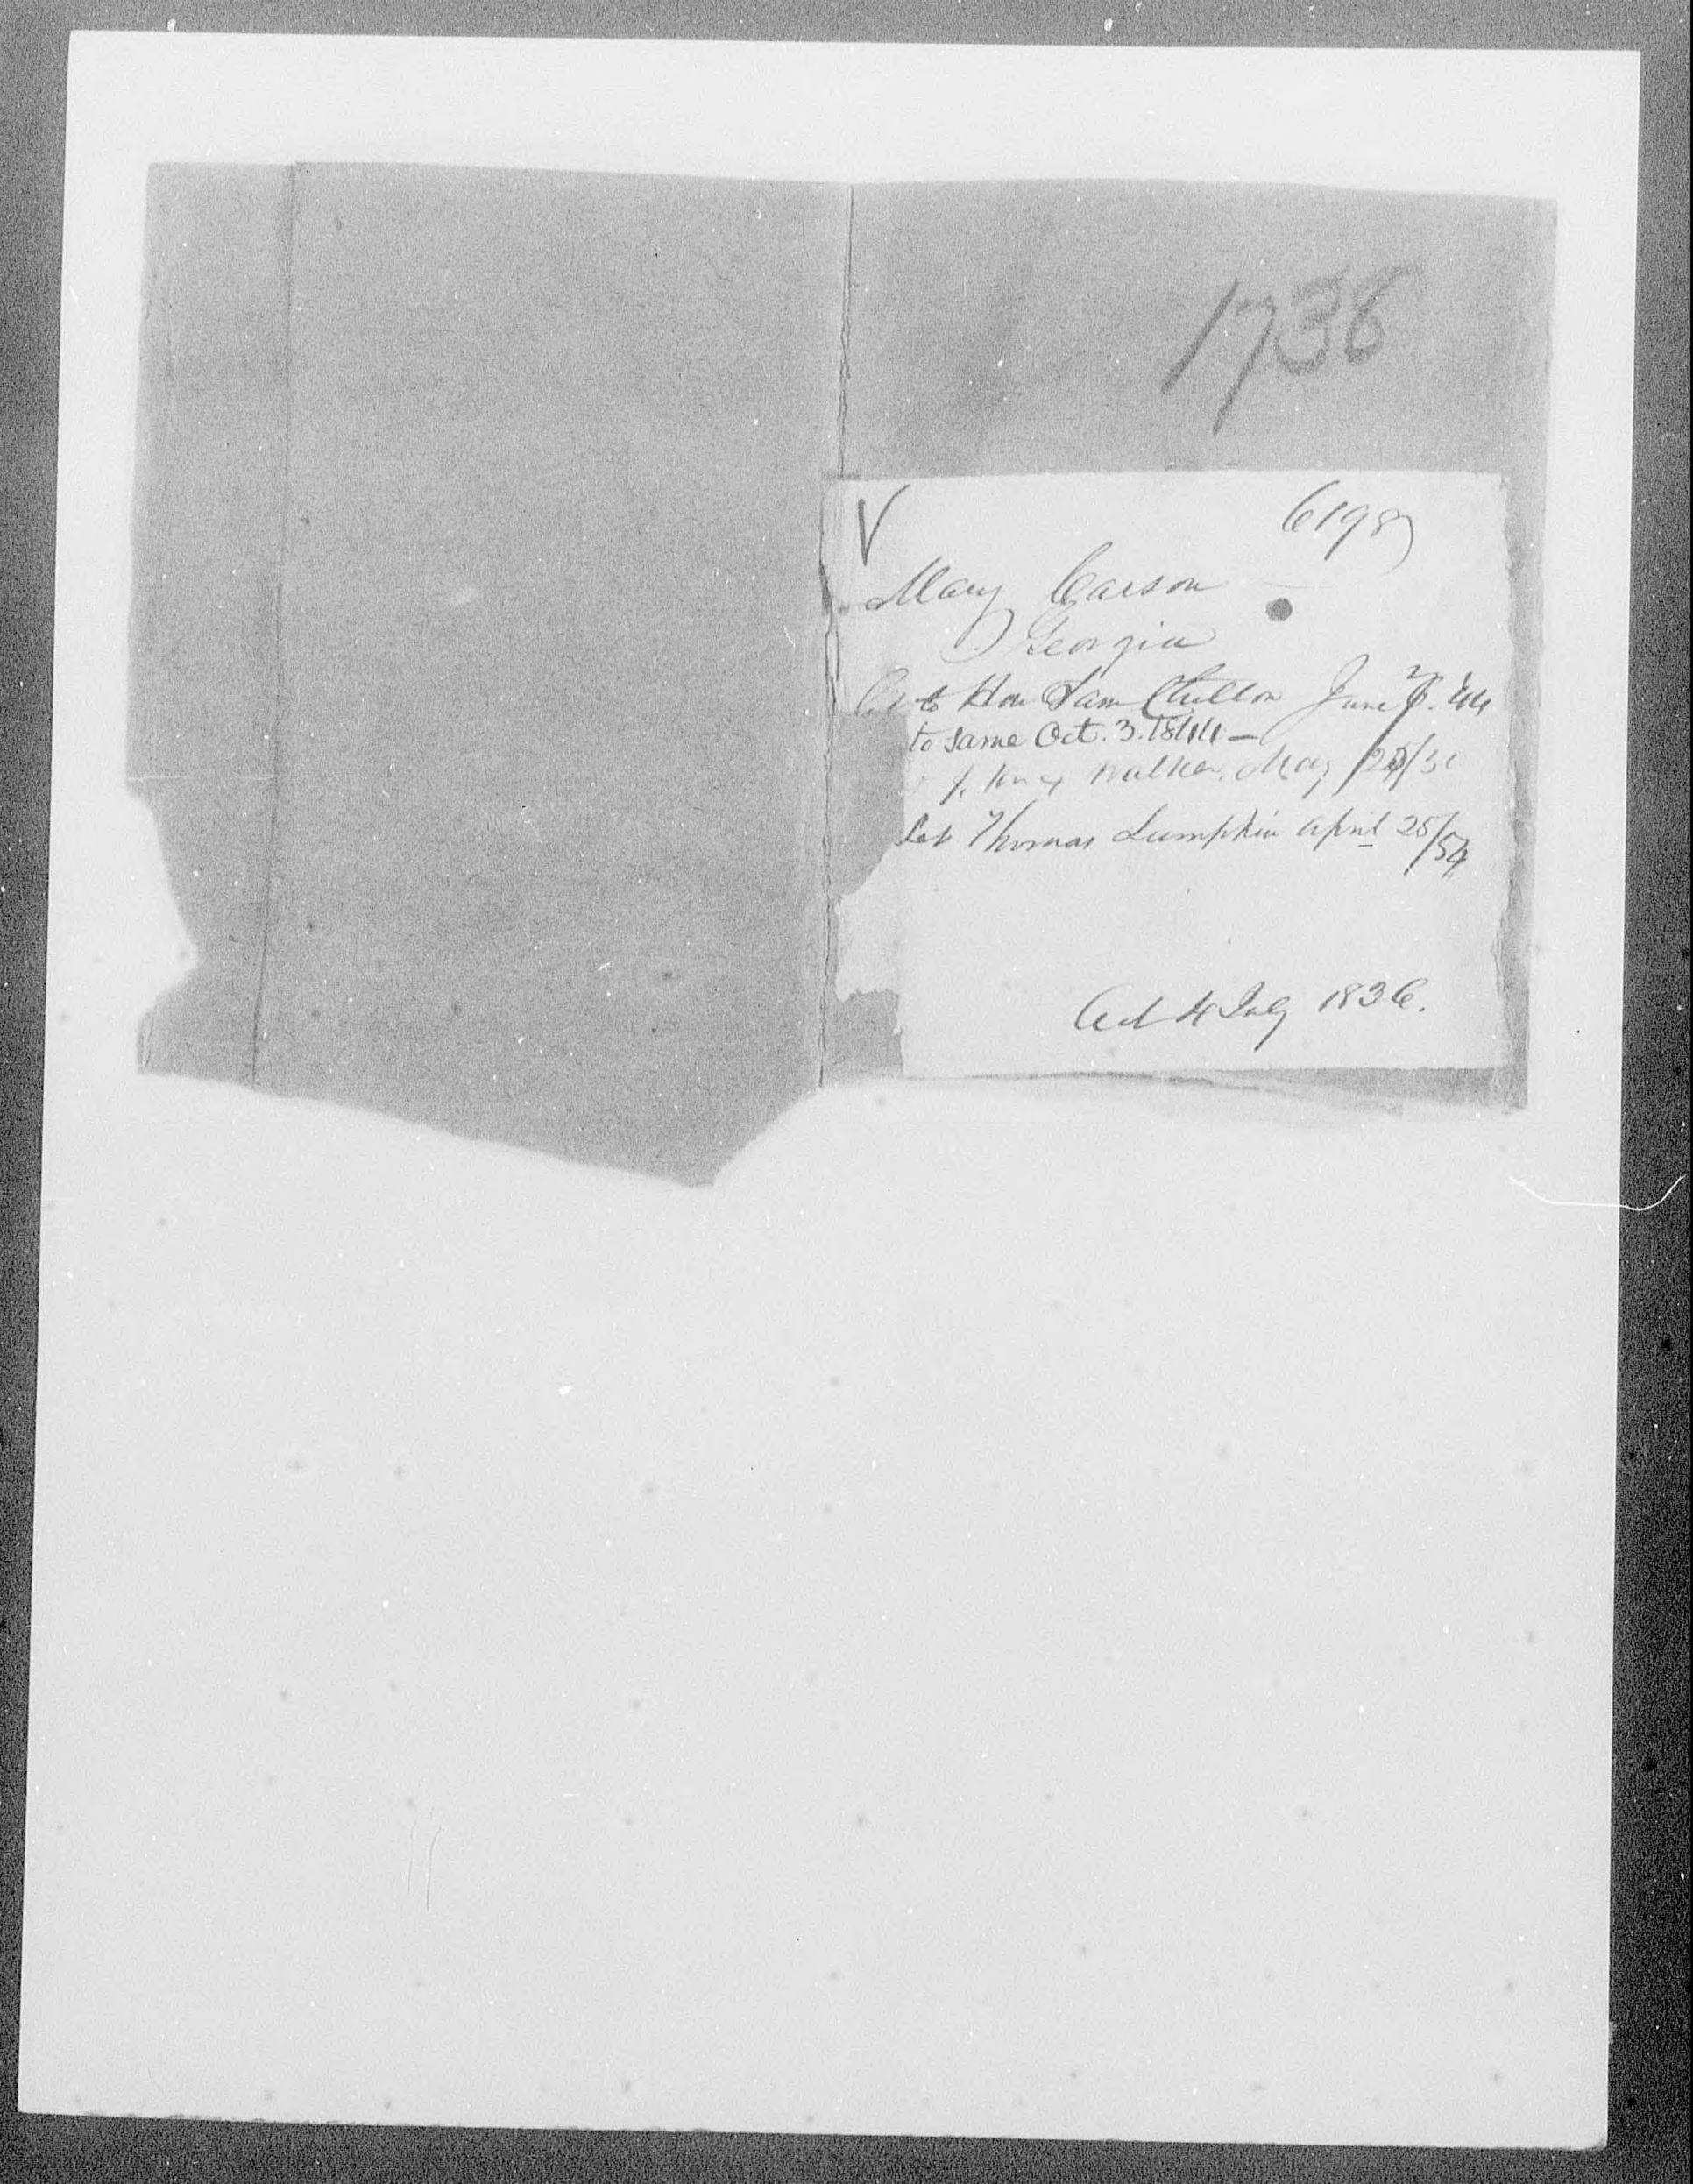1738
6198
Mary Carson
Georgia
let to Hon Sam Chilton June 2. '44
to Same Oct. 3. 1844
J. Knox Walker May 25/30
Let Thomas Lumpkin April 25/54

Act 4 July 1836.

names: Sam Chilton, Mary Carson, J Knox Walker, Thomas Lumpkin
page: 13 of 34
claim: rejected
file: R. 1,738, Walter Carson, N.C. S.C.